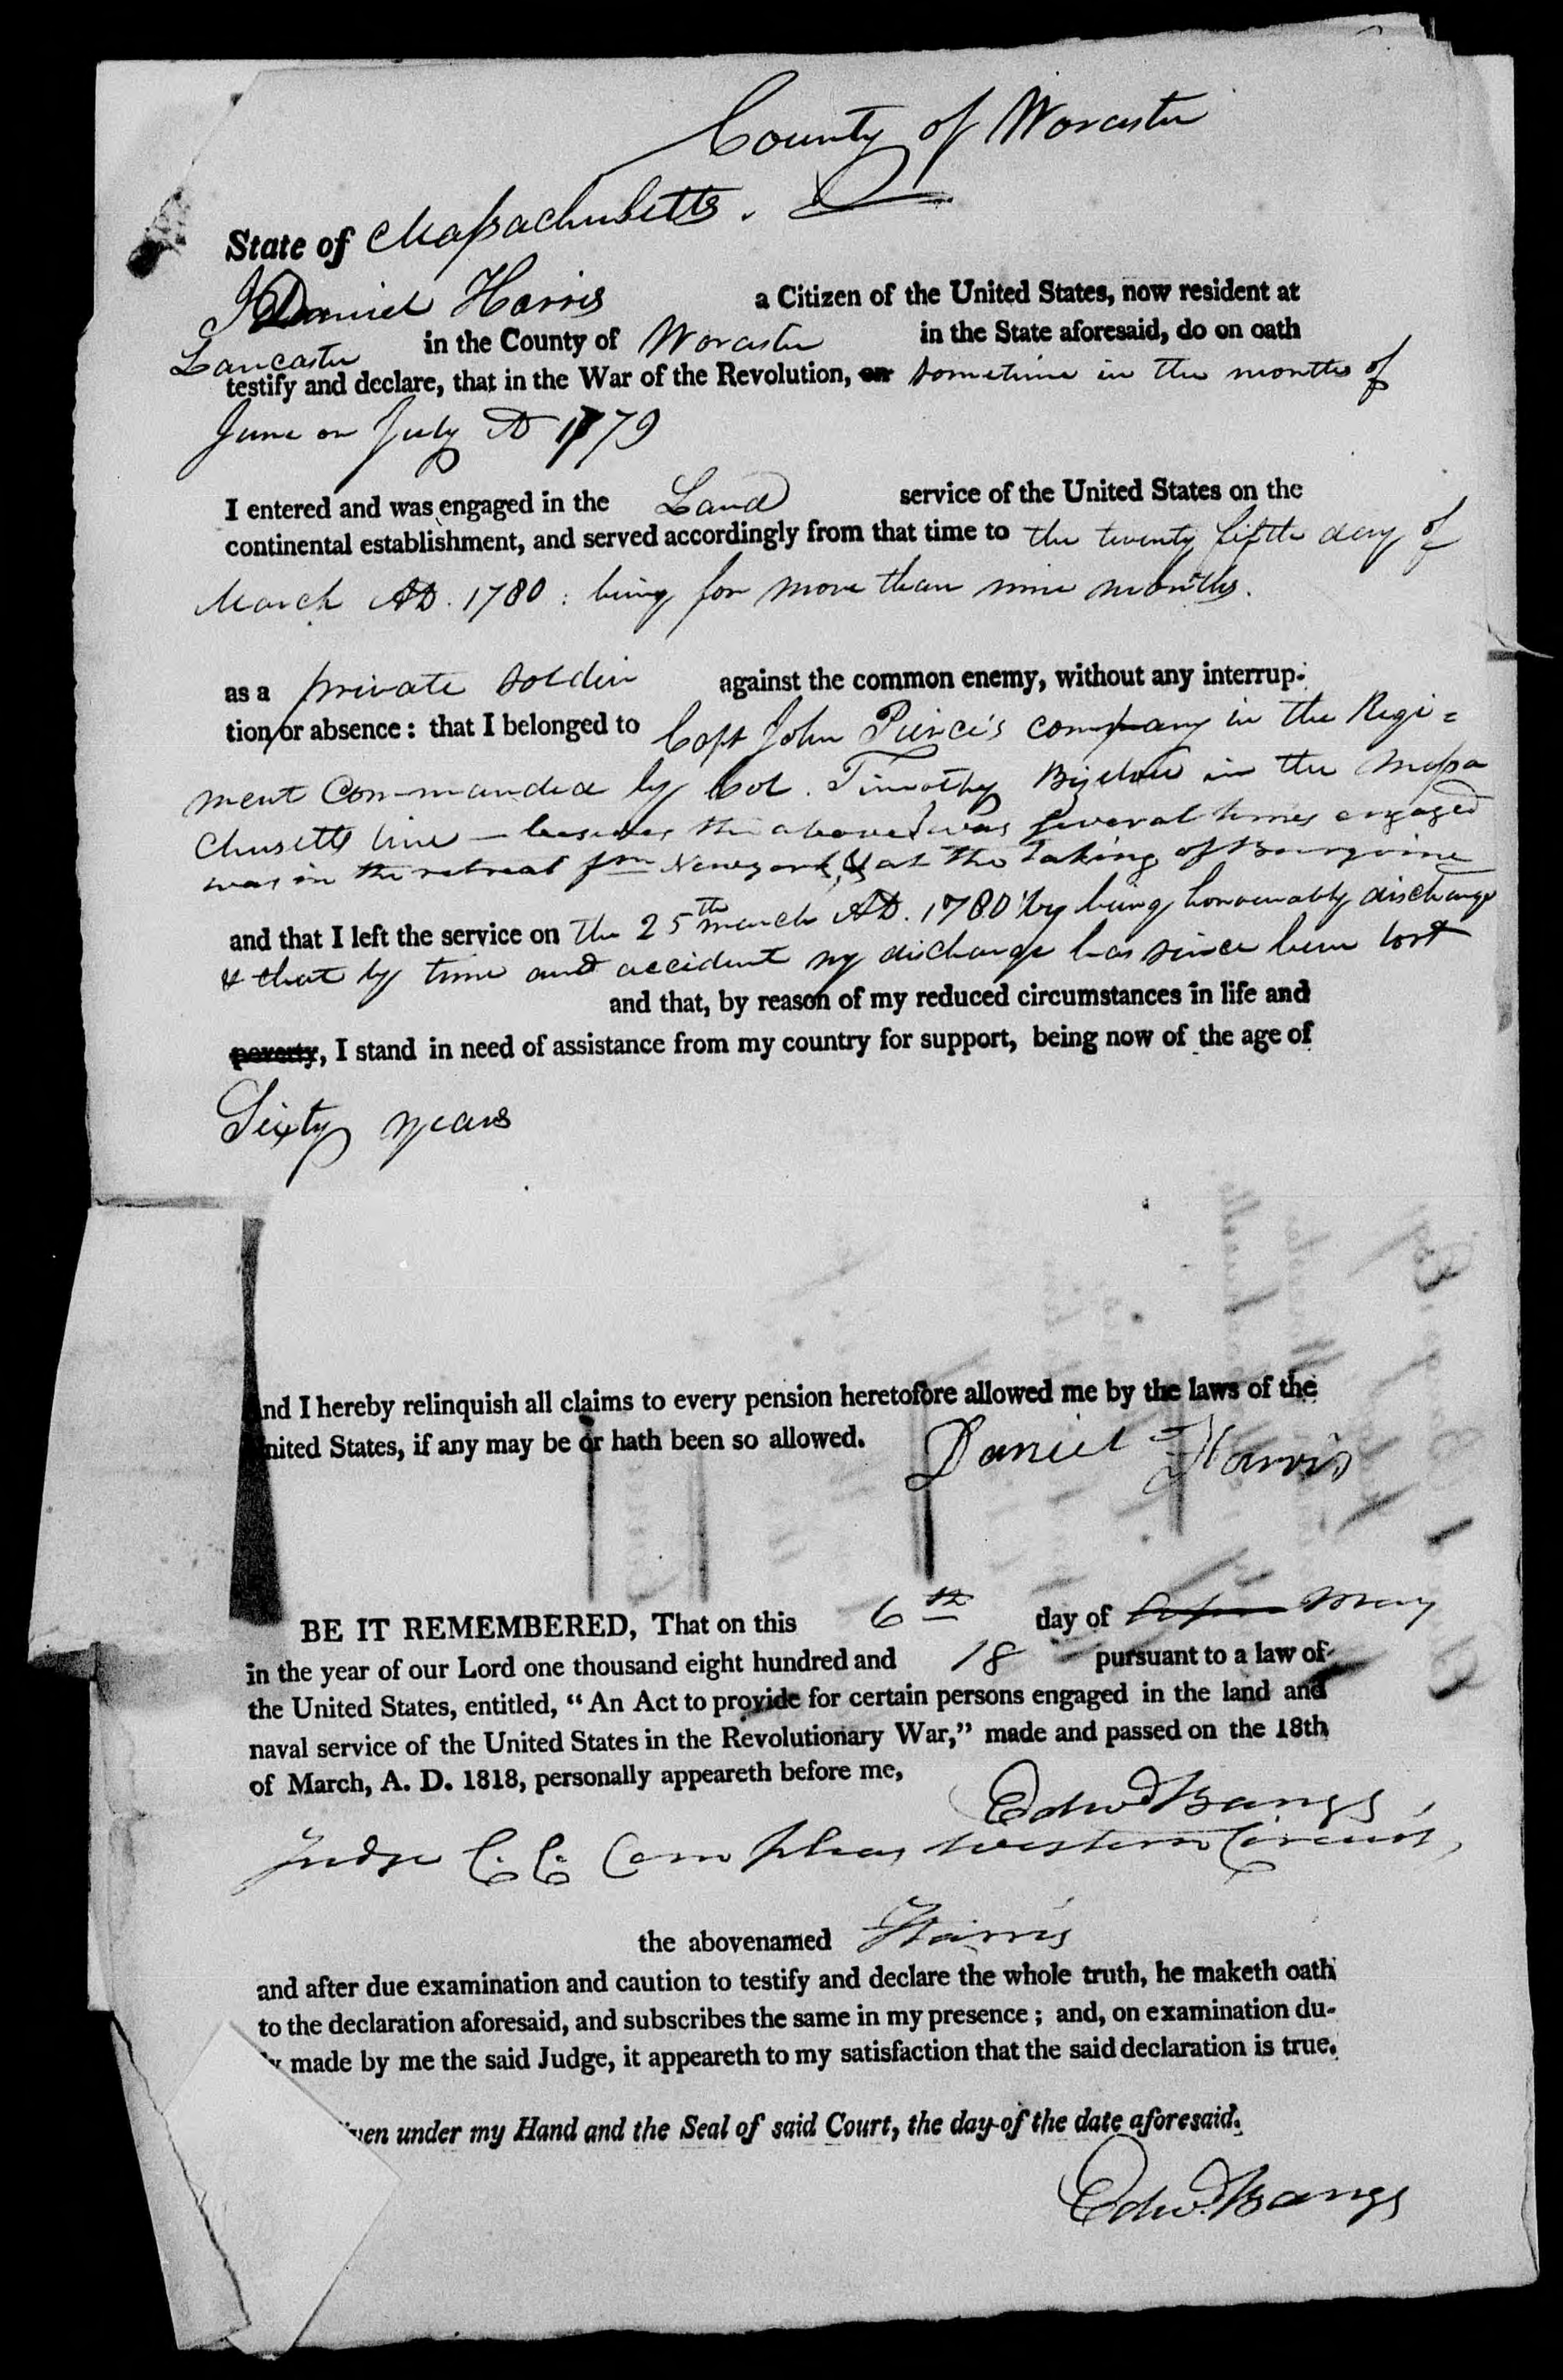Count79y of Worcester
State of Massachusetts

I Daniel Harris a Citizen of the United States,  anow resident of Lancaster in the County of Worcester in the State aforesaid, do on oath testify and declare, that in the War of the Revolution, sometime in the months of June or July to 1779
I entered and was engaged in the Land service of the United States on the continental establishment, and served accordingly from that time to the twenty fifth day of March AD 1780 : being for more than nine months as a private soldier against the common enemy, without any interruption or absence : that I belonged to Capt John Pierce's company in the Regiment commanded by Col. Timothy Bigelow in the Massachusetts line - besides the above was several times engaged war in the retreat from New York, & at the taking of Burgoyne and that I left the service on the 25th of March AD 1780 by being honourably discharged & that by time and accident my discharge has since been lost
and that, by reason of my reduced circumstances in life and, I stand in need of assistance from my country for support, being not of the age of Sixty years

BE IT REMEMBERED, That on this 6th day of May in the year of our Lord one thousand eight hundred and 18  pursuant to a law of the United States, entitled, "An Act to provide for certain persons engage in the land and naval service of the United States in the Revolutionary War, " made and passed on the 18th of March, A.D. 1818, personally appeareth before me, 
Signature of Edwd Bangs, Judge C.C. Com Pleas  Western Circuit, 

the above named Harris
and after due examination and caution to testify and declare the whole truth, he maketh oath to the declaration aforesaid, and subscribes the same in my presence ; and on examination duly made by me the said Judge, it appeareth to my satisfaction that the said declaration is true. 

(?) under my Hand and the Seal of said Court, the day-of date aforesaid, 
Signature of Edwd. Bangs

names: Harris, Daniel Harris, Daniel Harris, Edwd Bangs, Edwd Bangs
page: 25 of 68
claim: survivor's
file: S. 29,877, Daniel Harris, Mass.